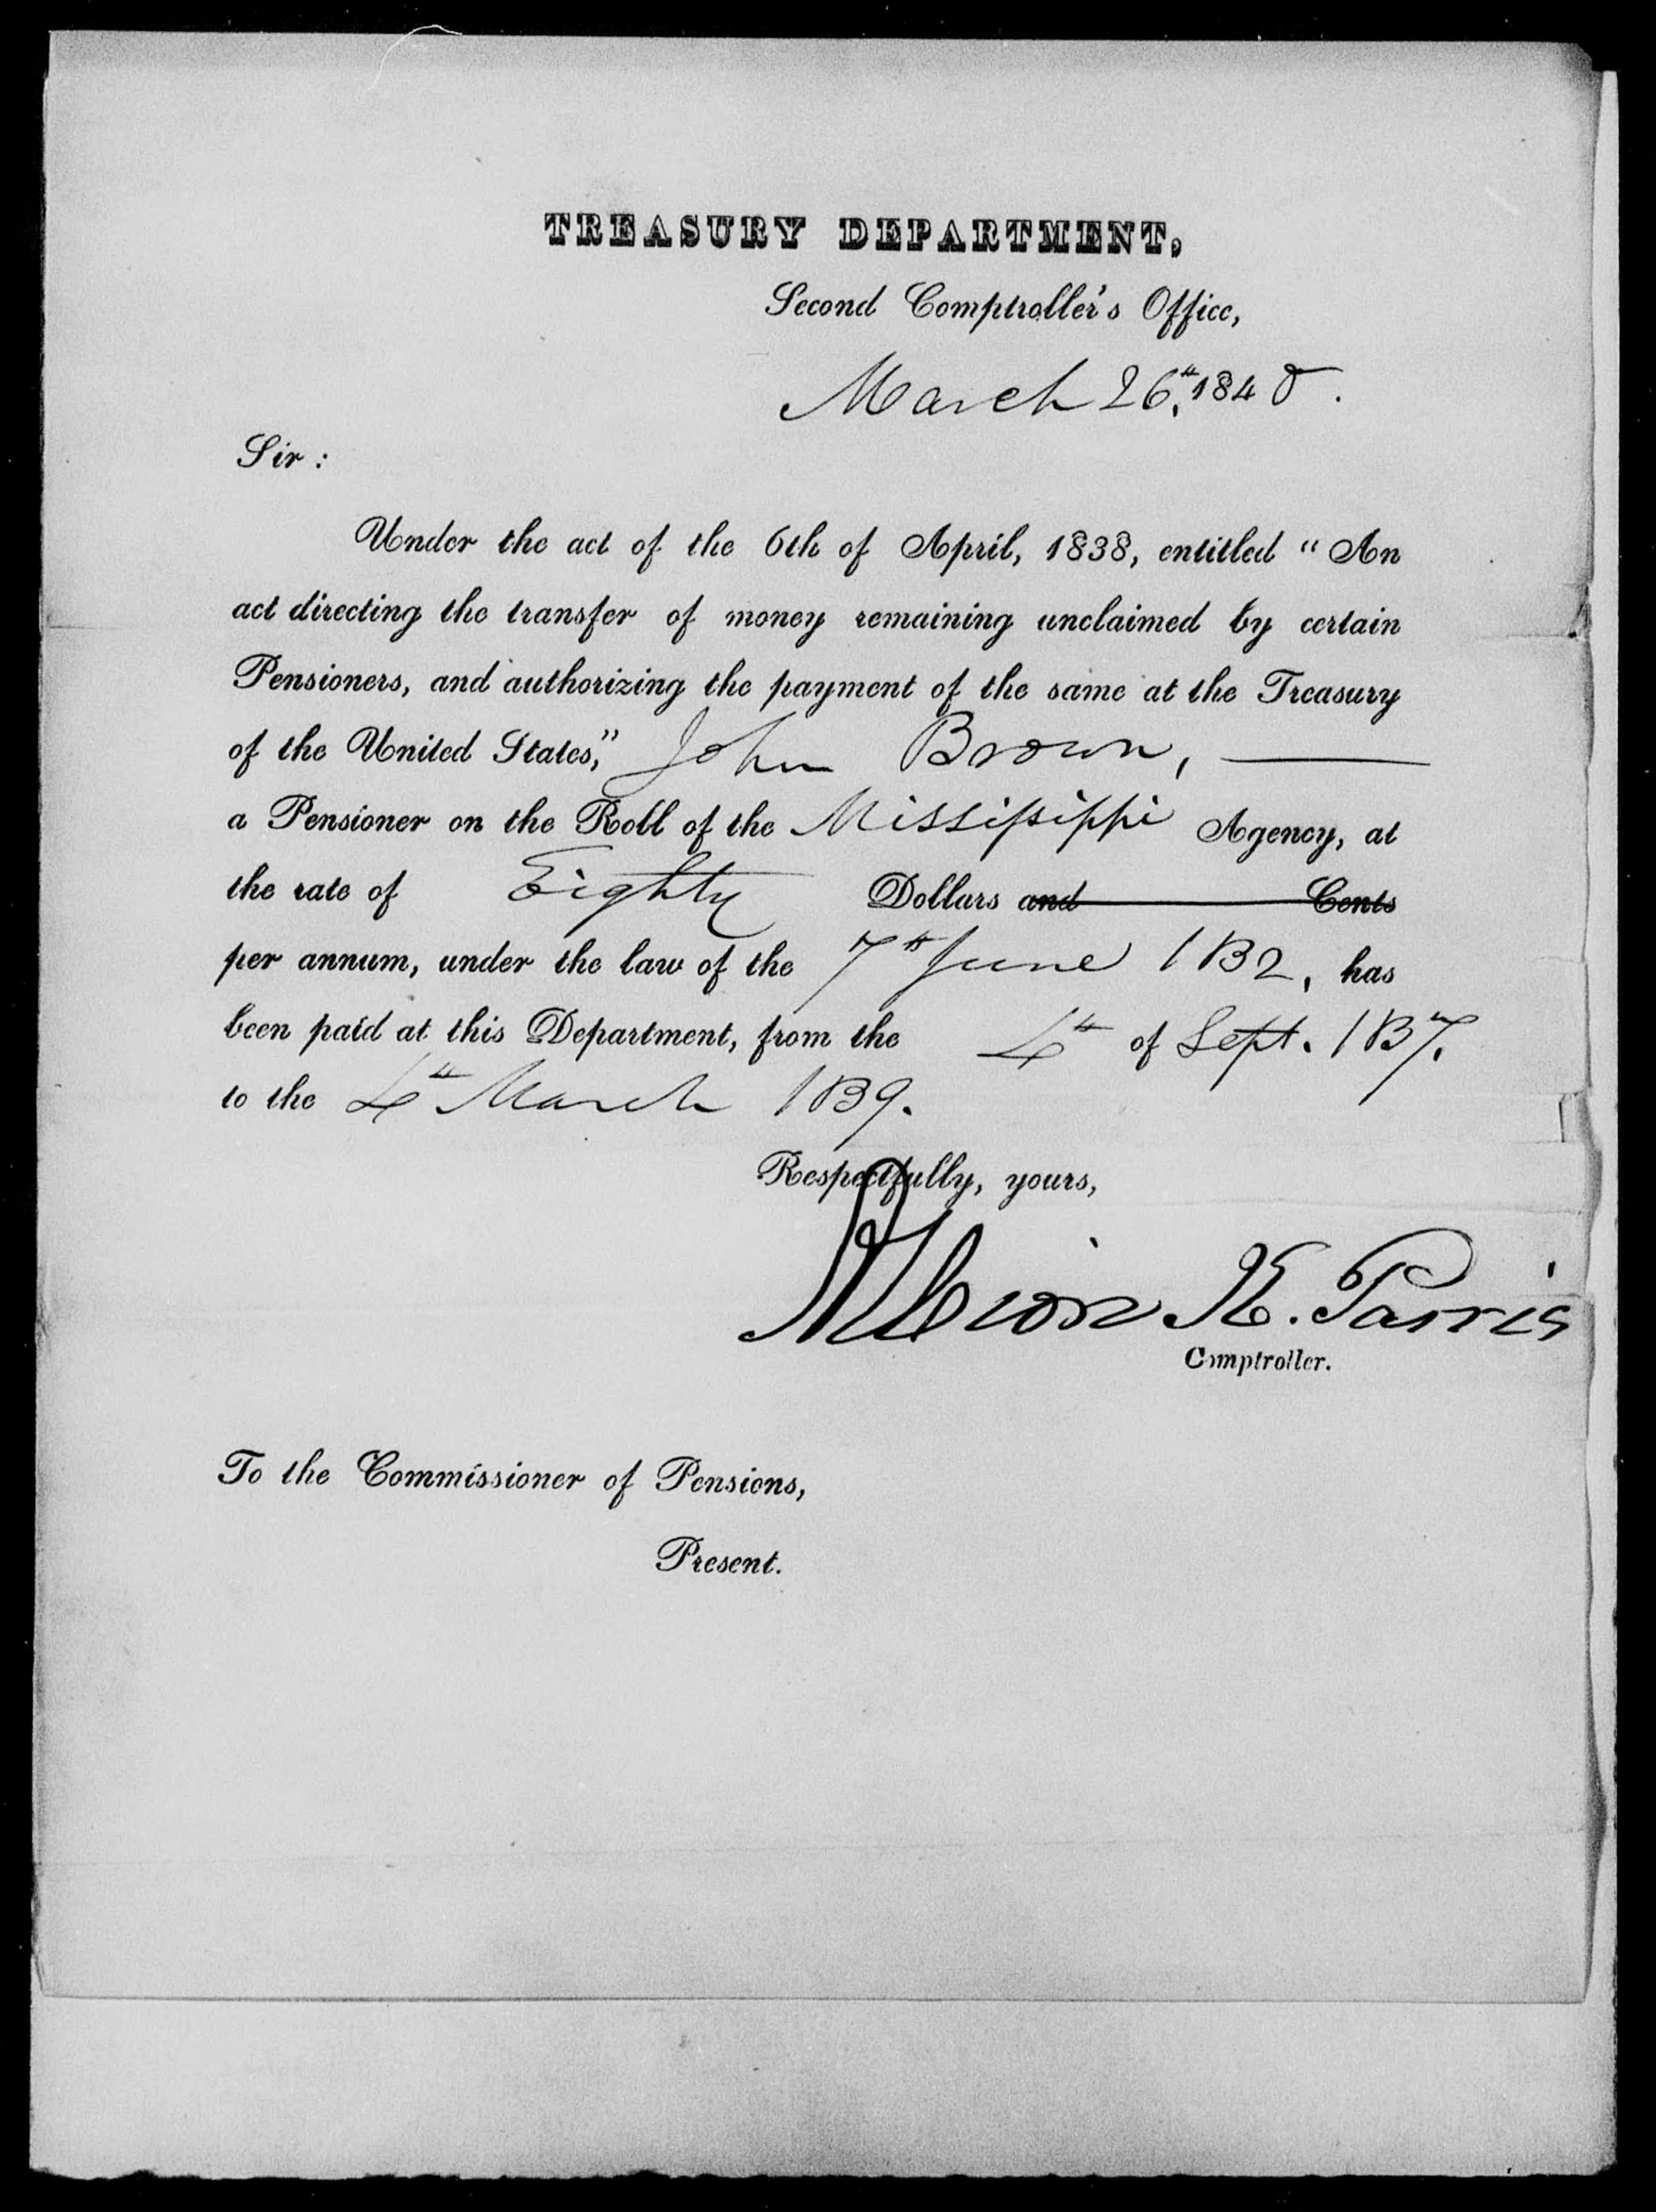TREASURY DEPARTMENT 
Second Comptroller's Office,
March  26th, 1840.

Sir: 

Under the act of the 6th of April, 1838, entitled "An act directing the transfer of money remaining unclaimed by certain
Pensioners, and authorizing the payment of the same at the Treasury
of the United States,"  John Brown 
a pensioner on the Roll of Mississippi Agency, at
the rate of Eighty Dollars 
per annum, under the law of the 7th of June  1832, has
been paid at this Department, from the .4th of Sept 1837
to the 4th March  1839.

Respectfully yours,
Albion K. Parris (signature)
Comptroller. 
To the Commissioner of Pensions,
Present.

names: John Brown, Albion K Parris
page: 67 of 85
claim: widow's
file: W. 5,906, John Brown, S.C.